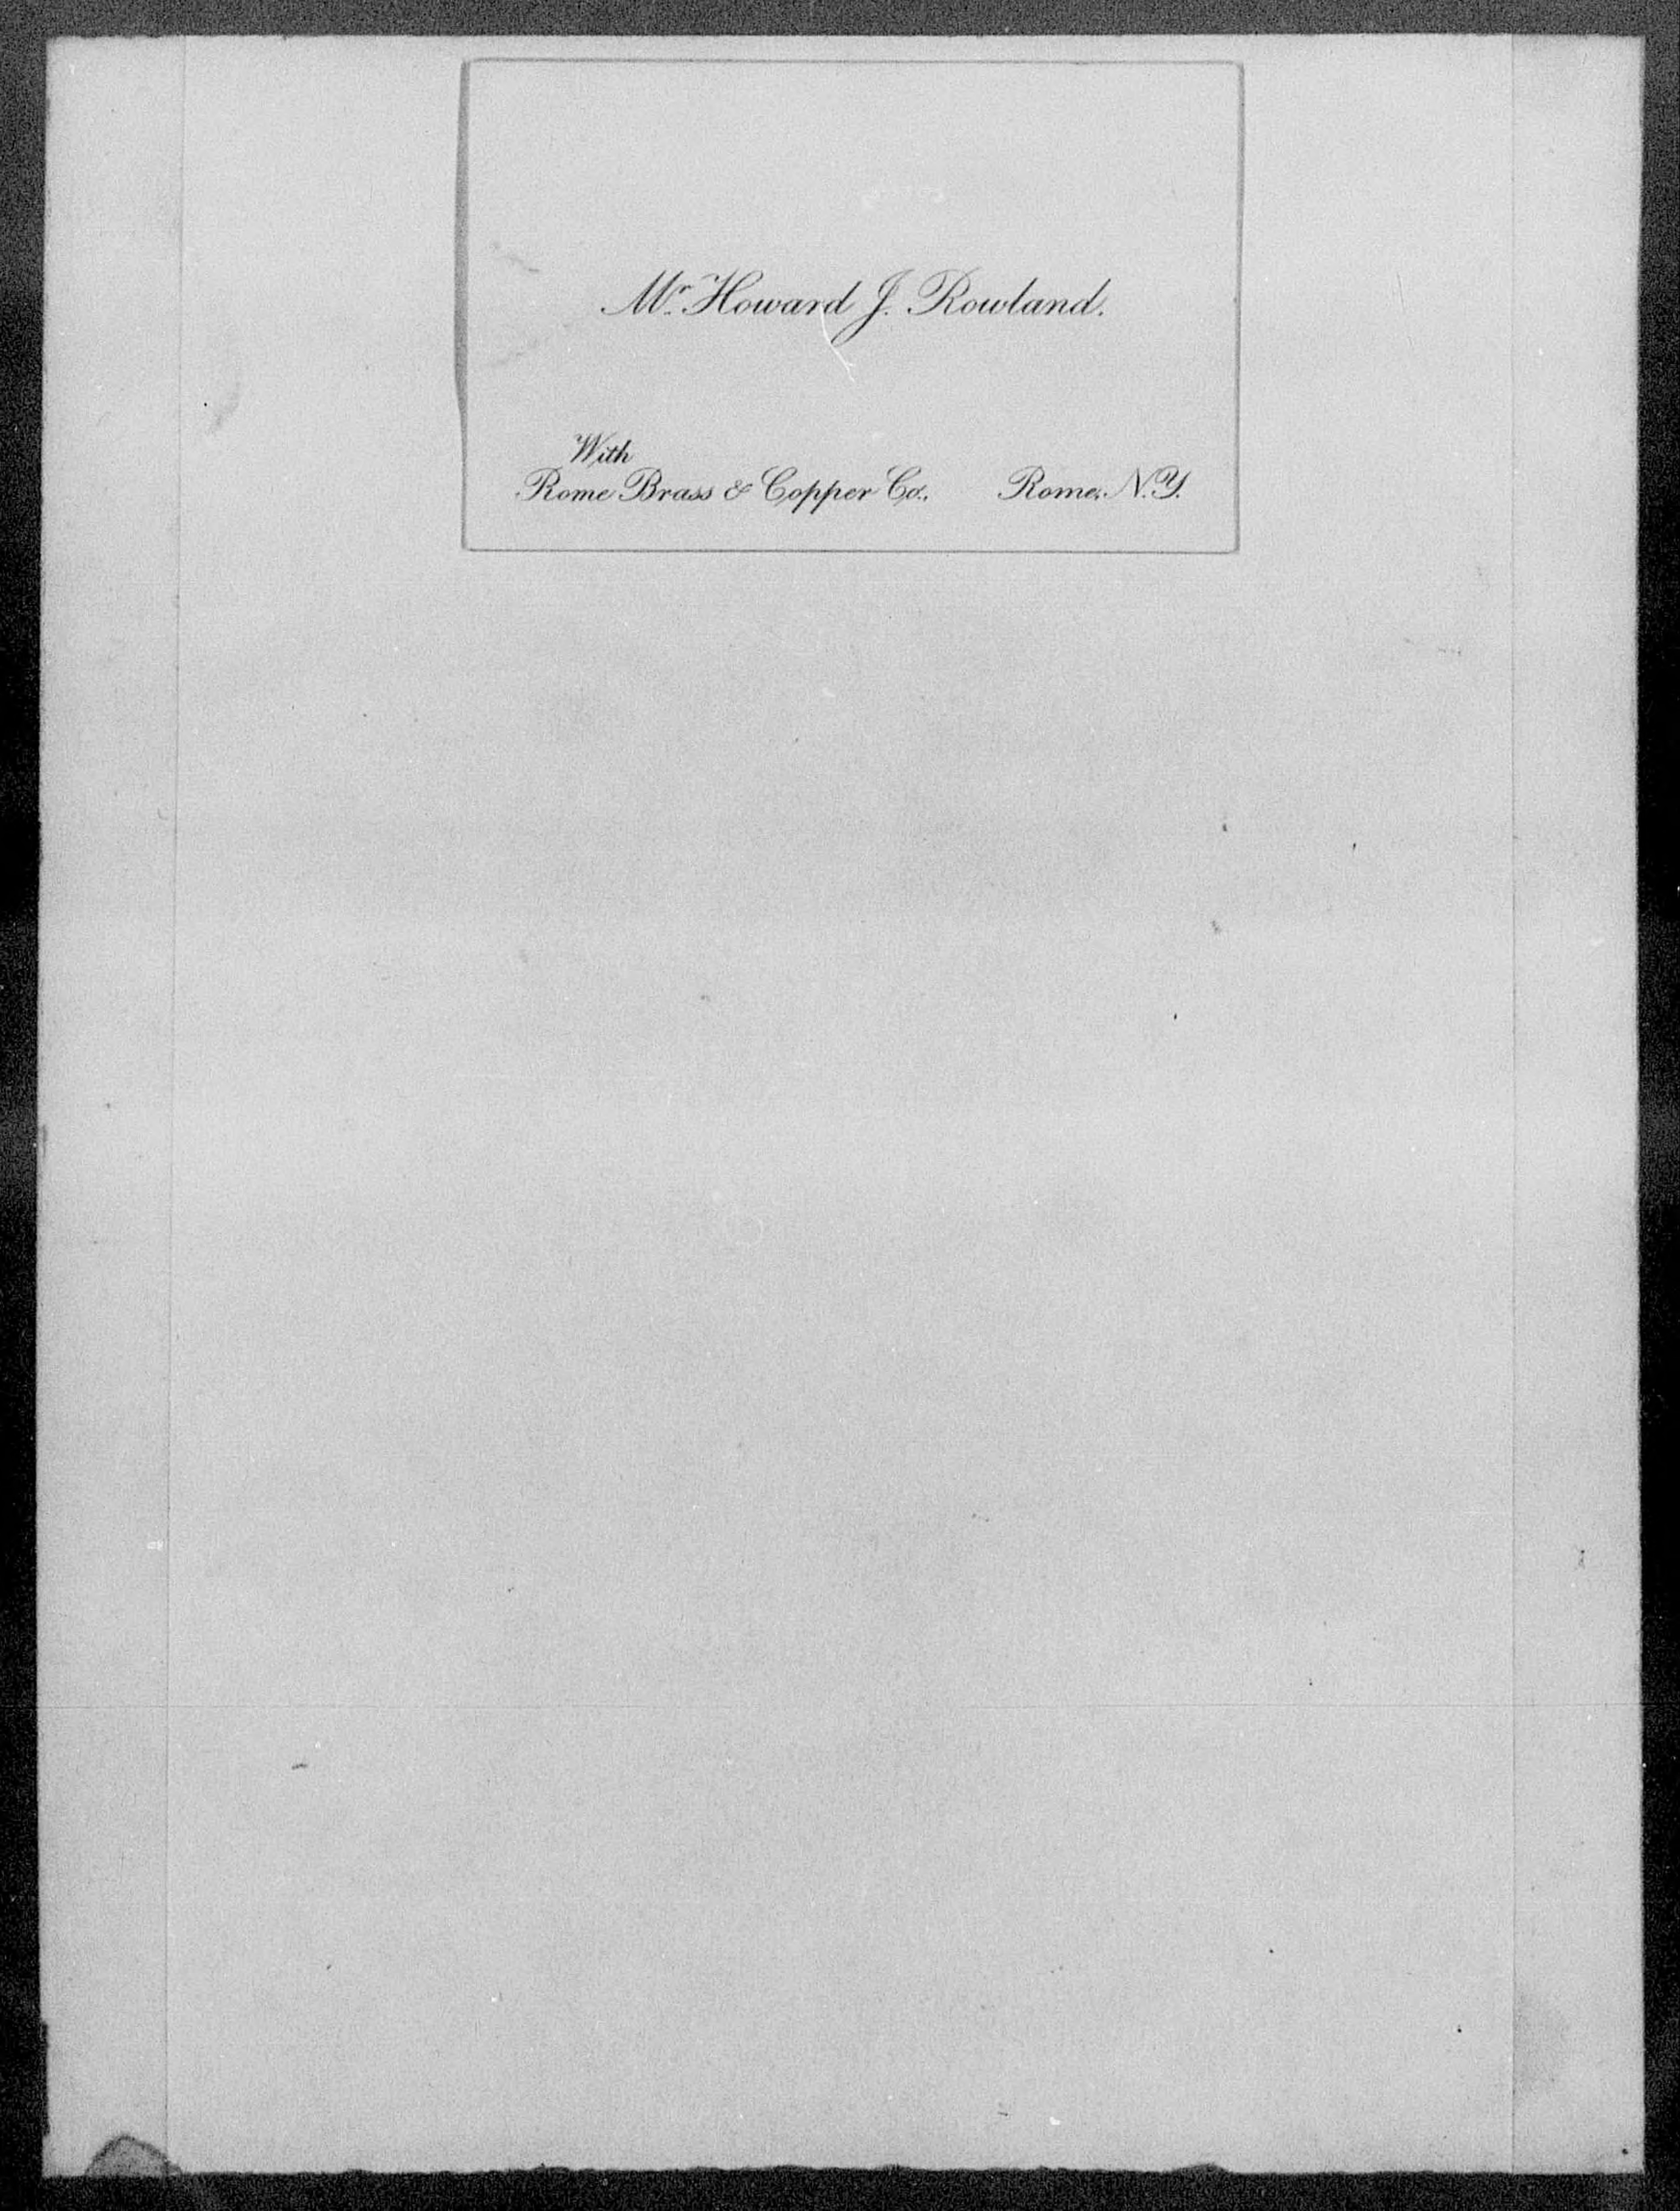Mr. Howard J. Rowland.

With
Rome Brass & Copper Co.  Rome, N.Y.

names: Howard J Rowland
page: 61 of 67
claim: widow's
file: W. 23772, James Campbell, Continental Mass.